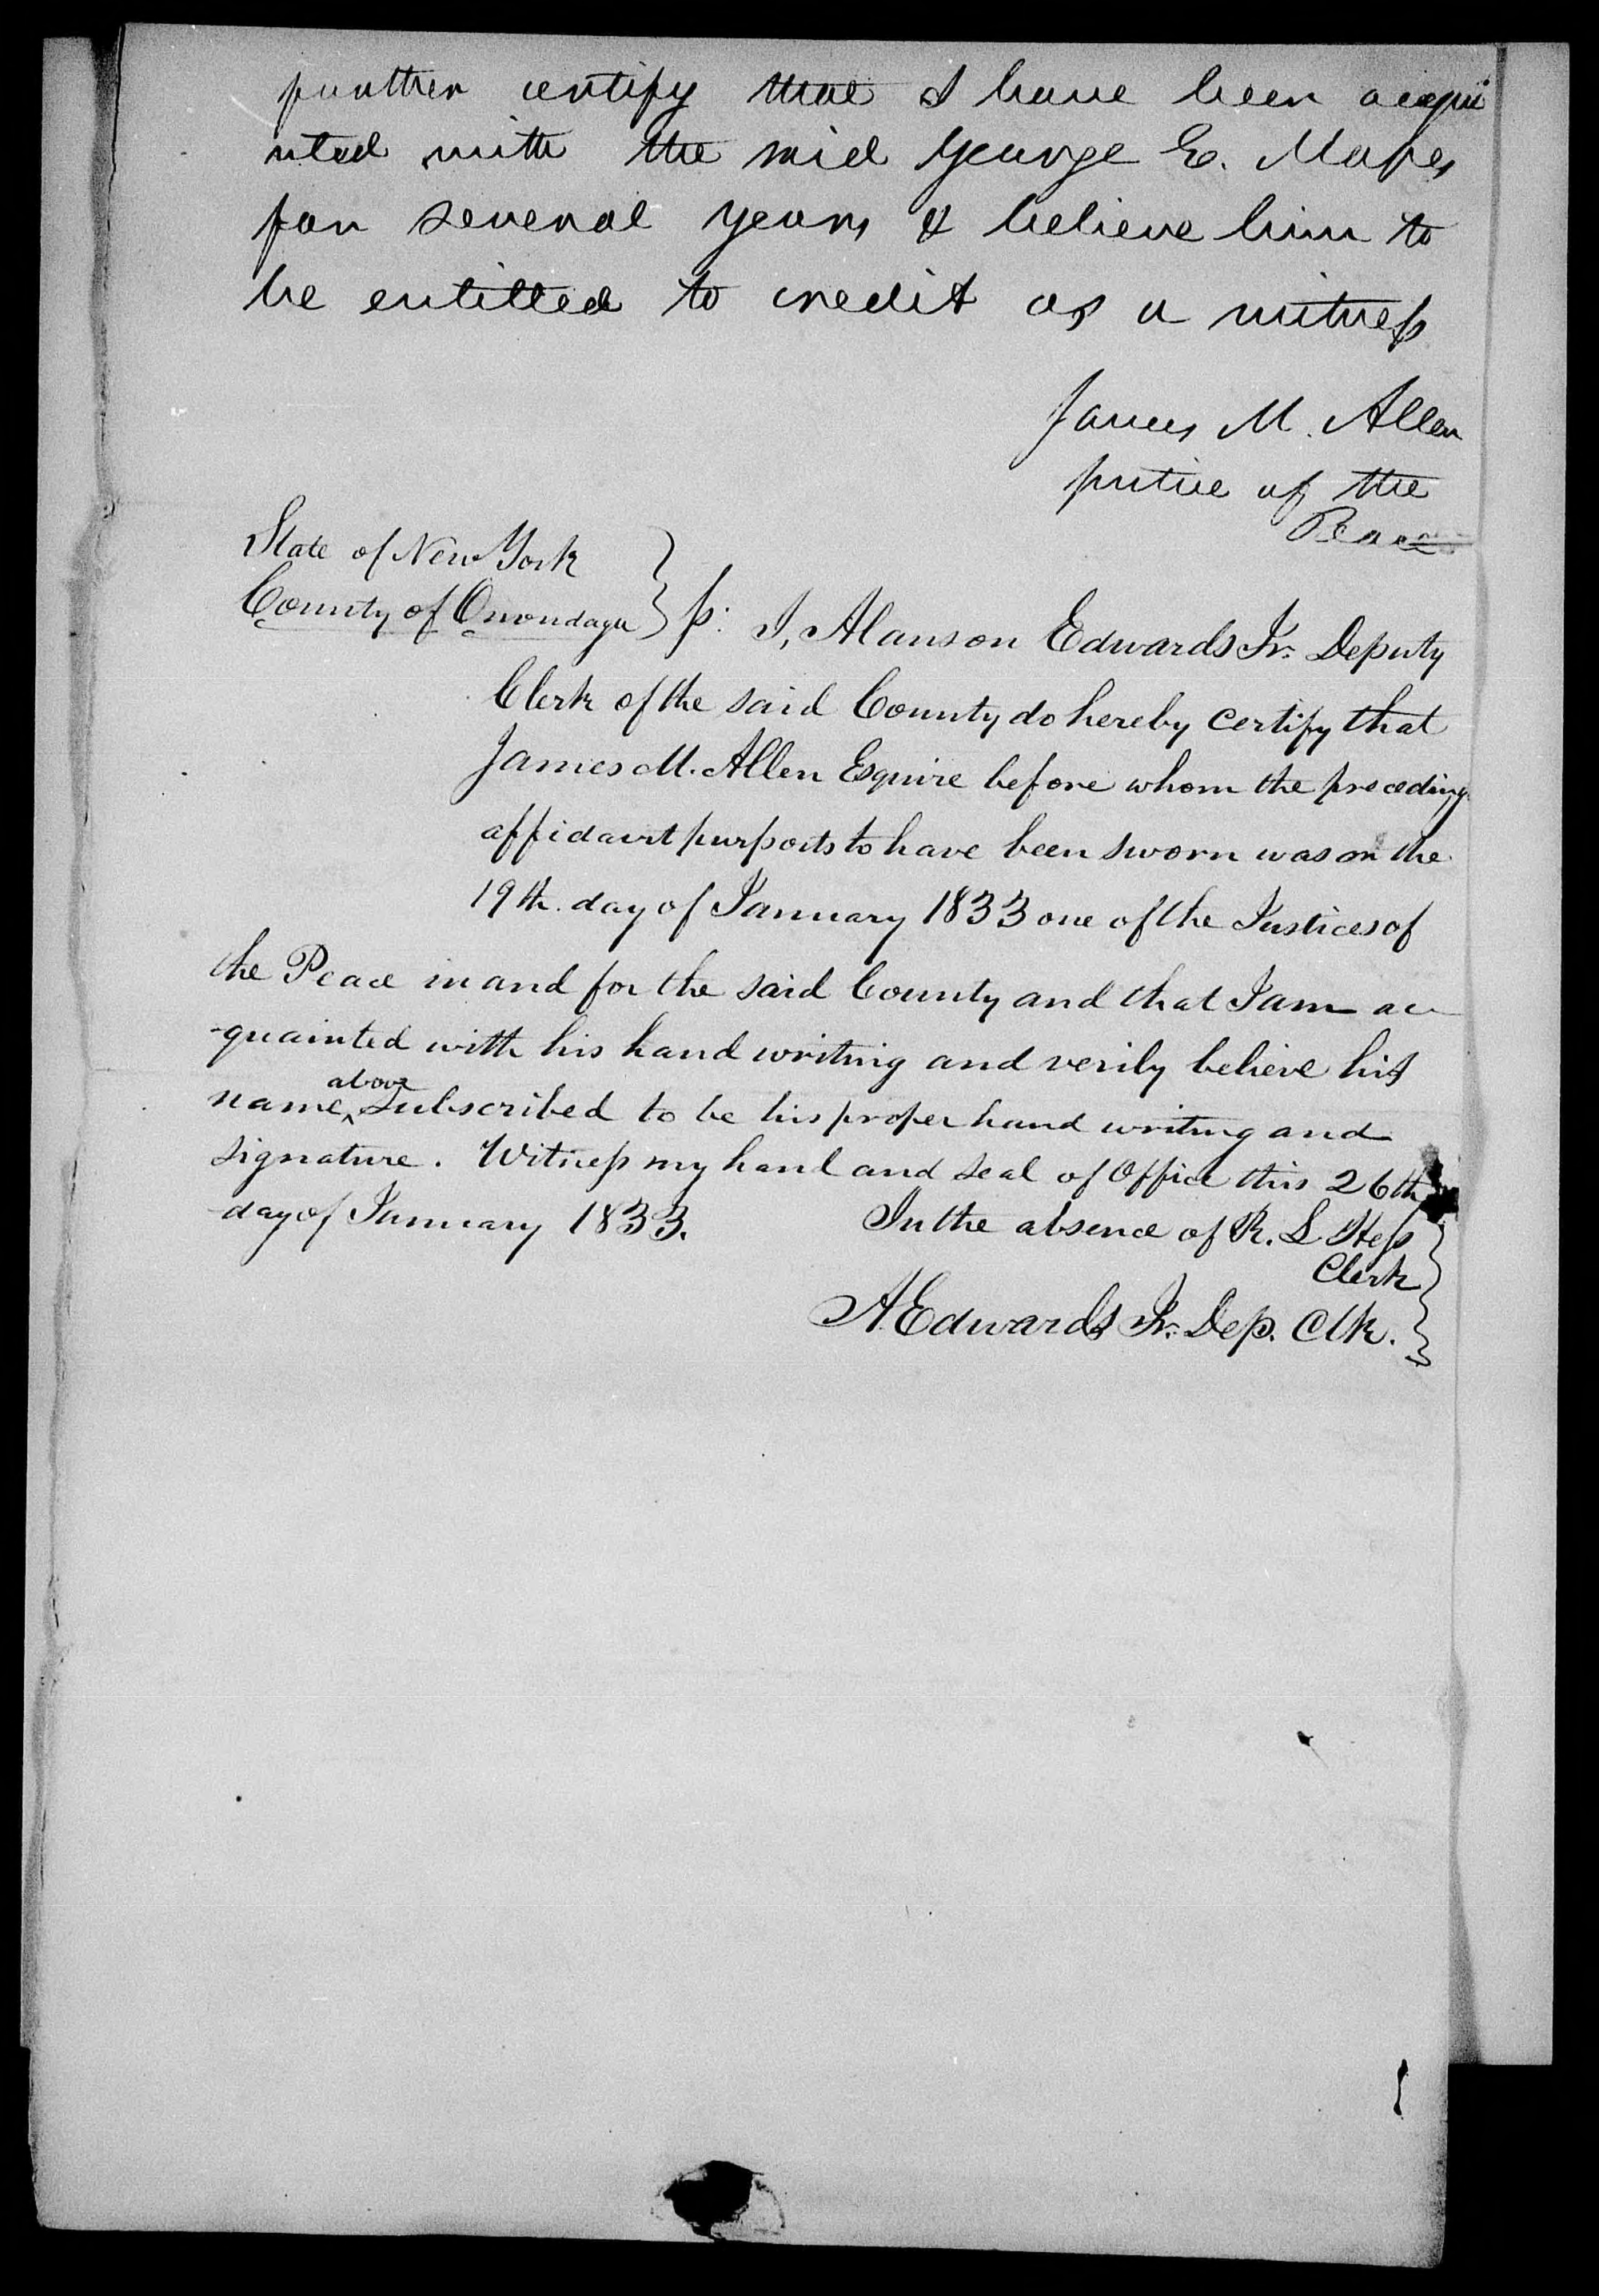further certify that I have been acquainted with the said George E. Mopes for several years & believe him to be entitled to credit as a witness James M. Allen 
Justice of the Peace

State of New York}
County of Onondaga}ss

I, Alanson Edwards Jr. Deputy Clerk of the said County do hereby certify that James M. Allen Esquire before whom the preceding affidavit purports to have been sworn was on the 19th day of January 1833 one of the Justices of the Peace in and for the said County and that I am acquainted with his hand writing and verily believe his name above subscribed to be his proper hand writing and signature. Witness my hand and seal of Office this 26th day of January 1833. 
In the absence of RS Hess Clerk}
A Edwards Jr. Dep. Clk.}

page: 9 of 30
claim: survivor's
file: S. 13,873, for William Mapes, New York